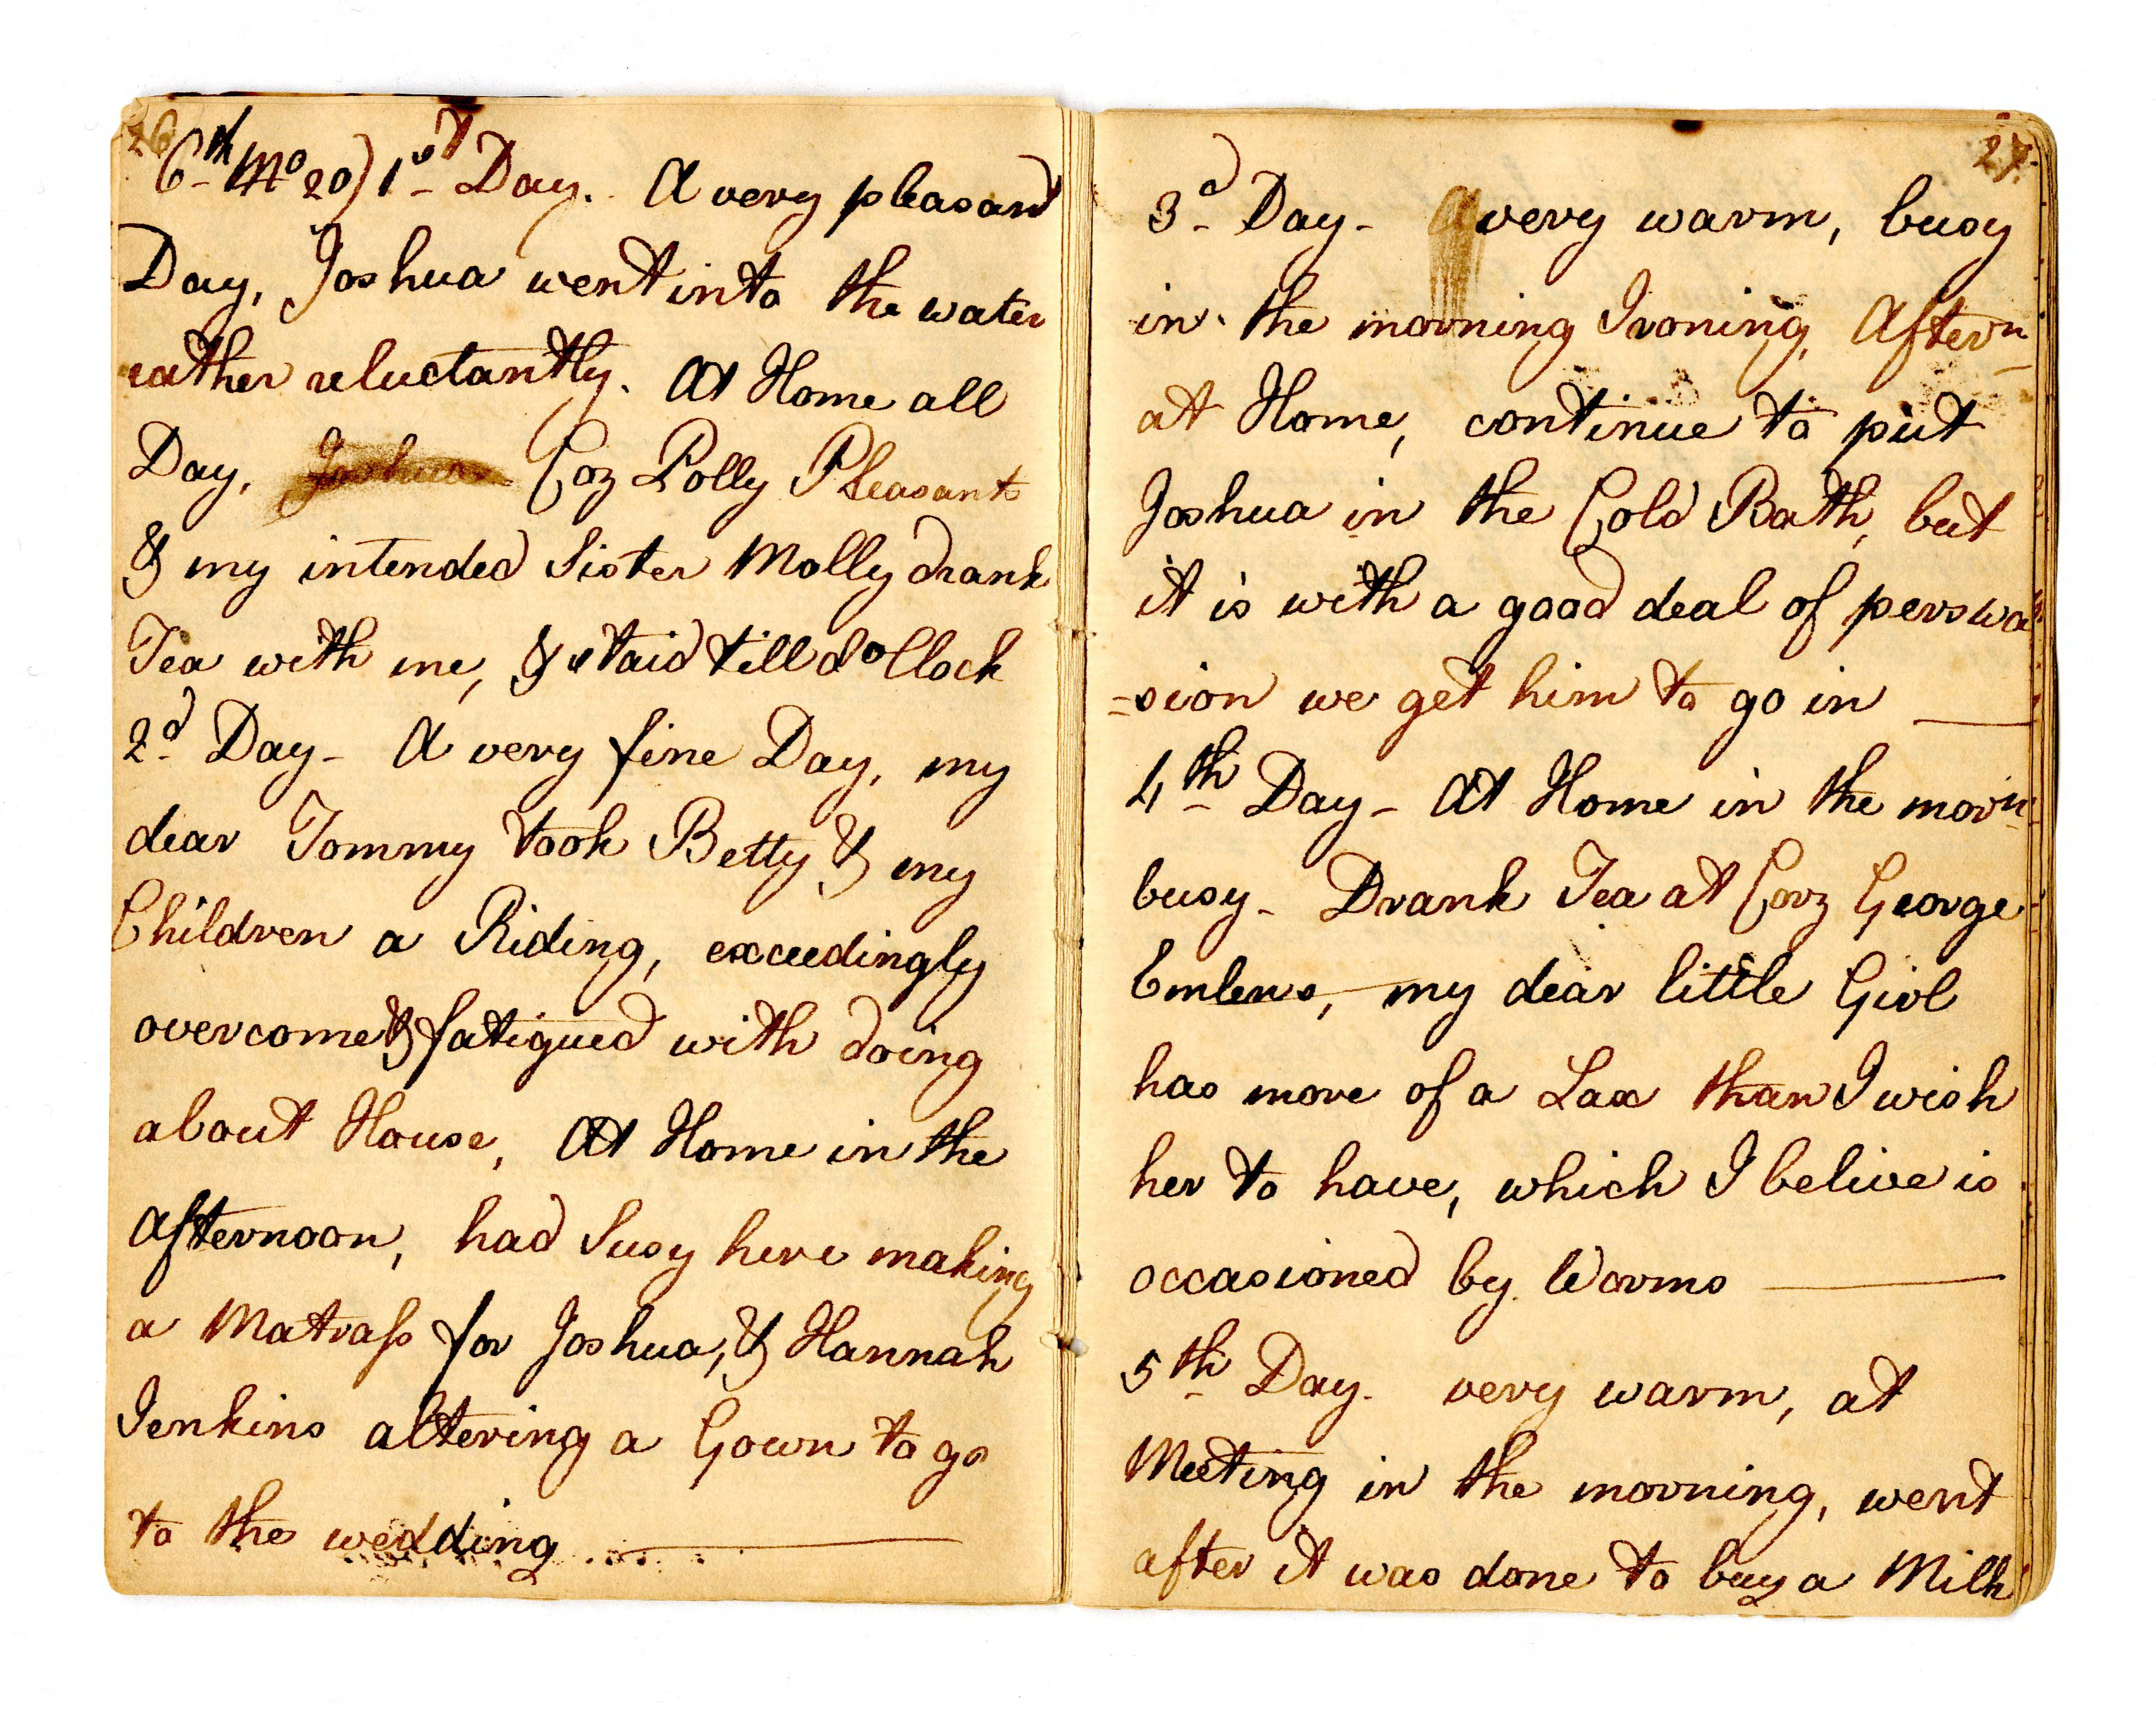26
6^th M^o 20) 1^st Day. A very pleasant
Day, Joshua went into the water
rather reluctantly. At Home all
Day, [Joshua] Coz Polly Pleasants
& my intended Sister Molly drank
Tea with me, & staid till 8 ^o Clock
2^d. Day- A very fine Day, my
dear Tommy took Betty & my
Children a Riding, exceedingly
overcome & fatigued with doing
about House, At Home in the
Afternoon, had Susy here making
a Matrass for Joshua, & Hannah
Jenkins altering a Gown to go
to the wedding-
27
3^d. Day- A very warm, busy
in the morning Ironing, After
at Home, continue to put
Joshua in the Cold Bath, but
it is with a good deal of perswa
-sion we get him to go in
4^th Day- At Home in the mor^n
busy- Drank Tea at Coz George
Emlens, my dear little Girl
has more of a Lax than I wish
her to have, which I belive is
occasioned by Worms
5^th Day. very warm, at
Meeting in the morning, went
after it was done to buy a Milk